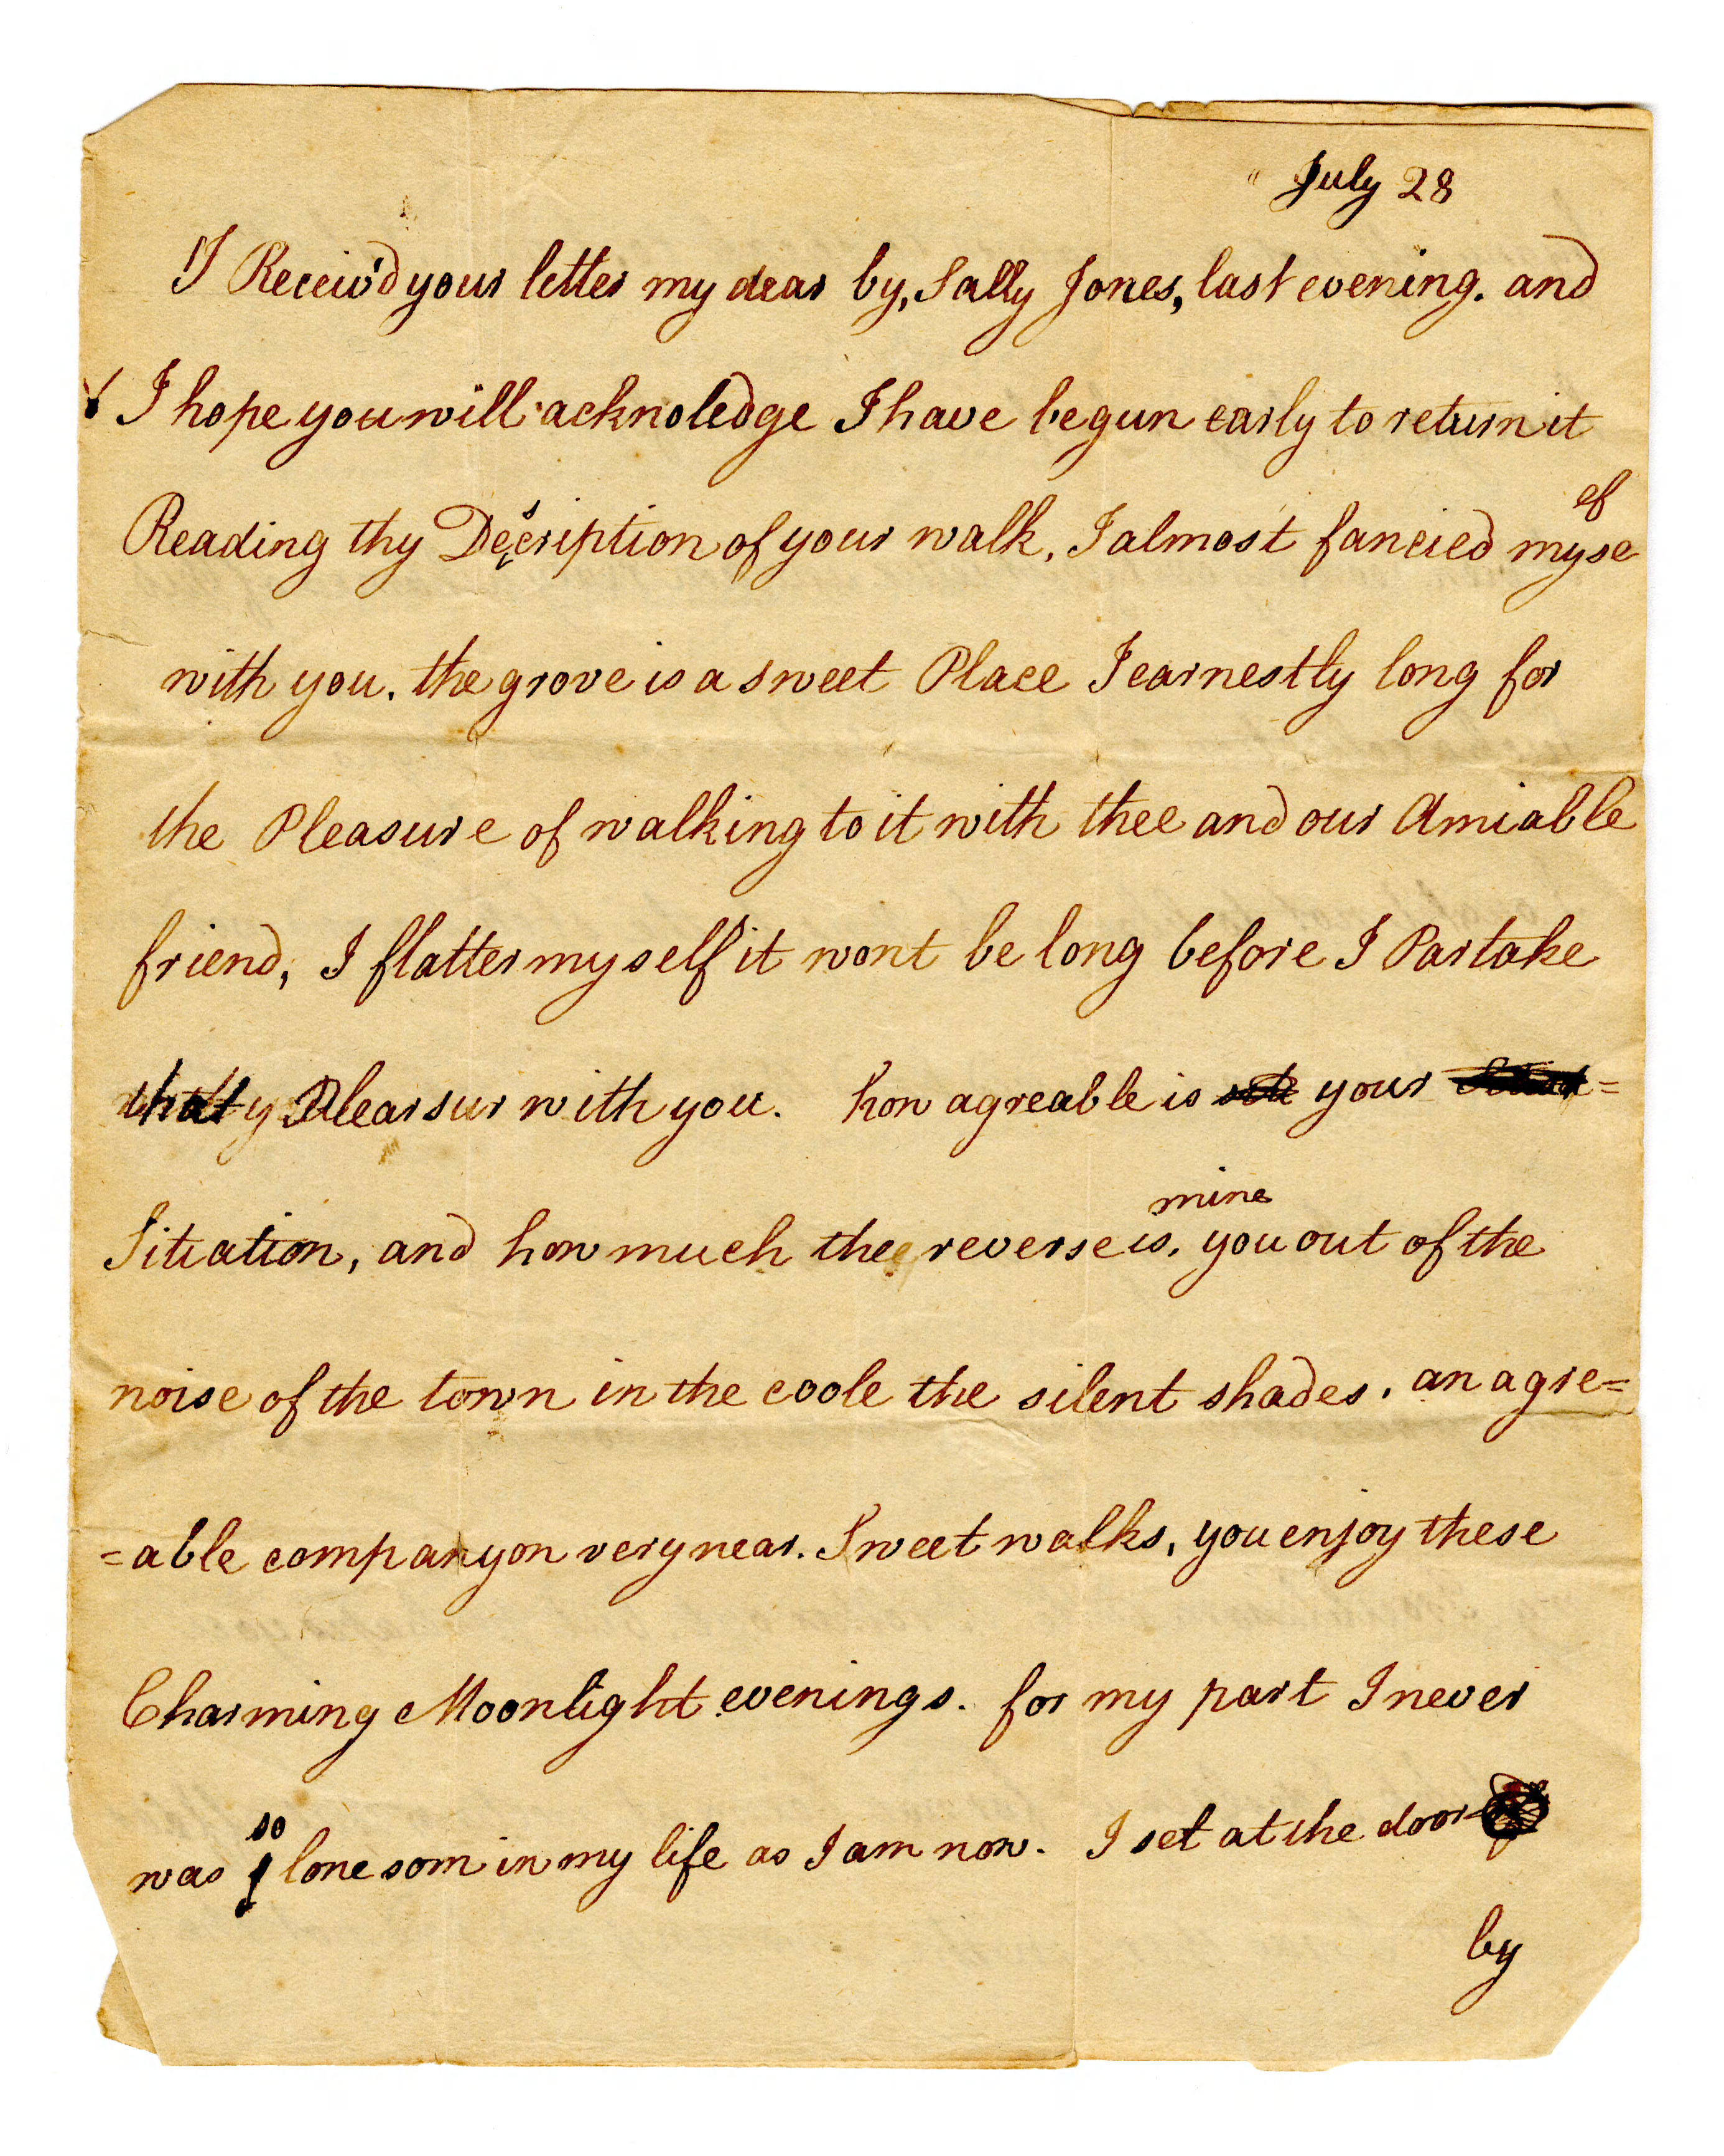July 28
I Receiv'd your letter my dear by, Sally Jones, last evening. and
I hope you will acknoledge I have begun early to return it
lf
Reading thy De^scription of your walk, I almost fancied myse
with you. the grove is a sweet Place I earnestly long for
the Pleasure of walking to it with thee and our amiable
friend, I flatter myself it wont be long before I Partake
that Pleasure with you. how agreeable is [___] your [_____]
Situation, and how much thee reverse is you out of the
mine
noise of the town in the coole the silent shades. an agre-
-able companyon very near. Sweet walks, you enjoy these
Charming Moonlight evenings. for my part I never
was ^so lonesome in my life as I am now. I set at the door
by